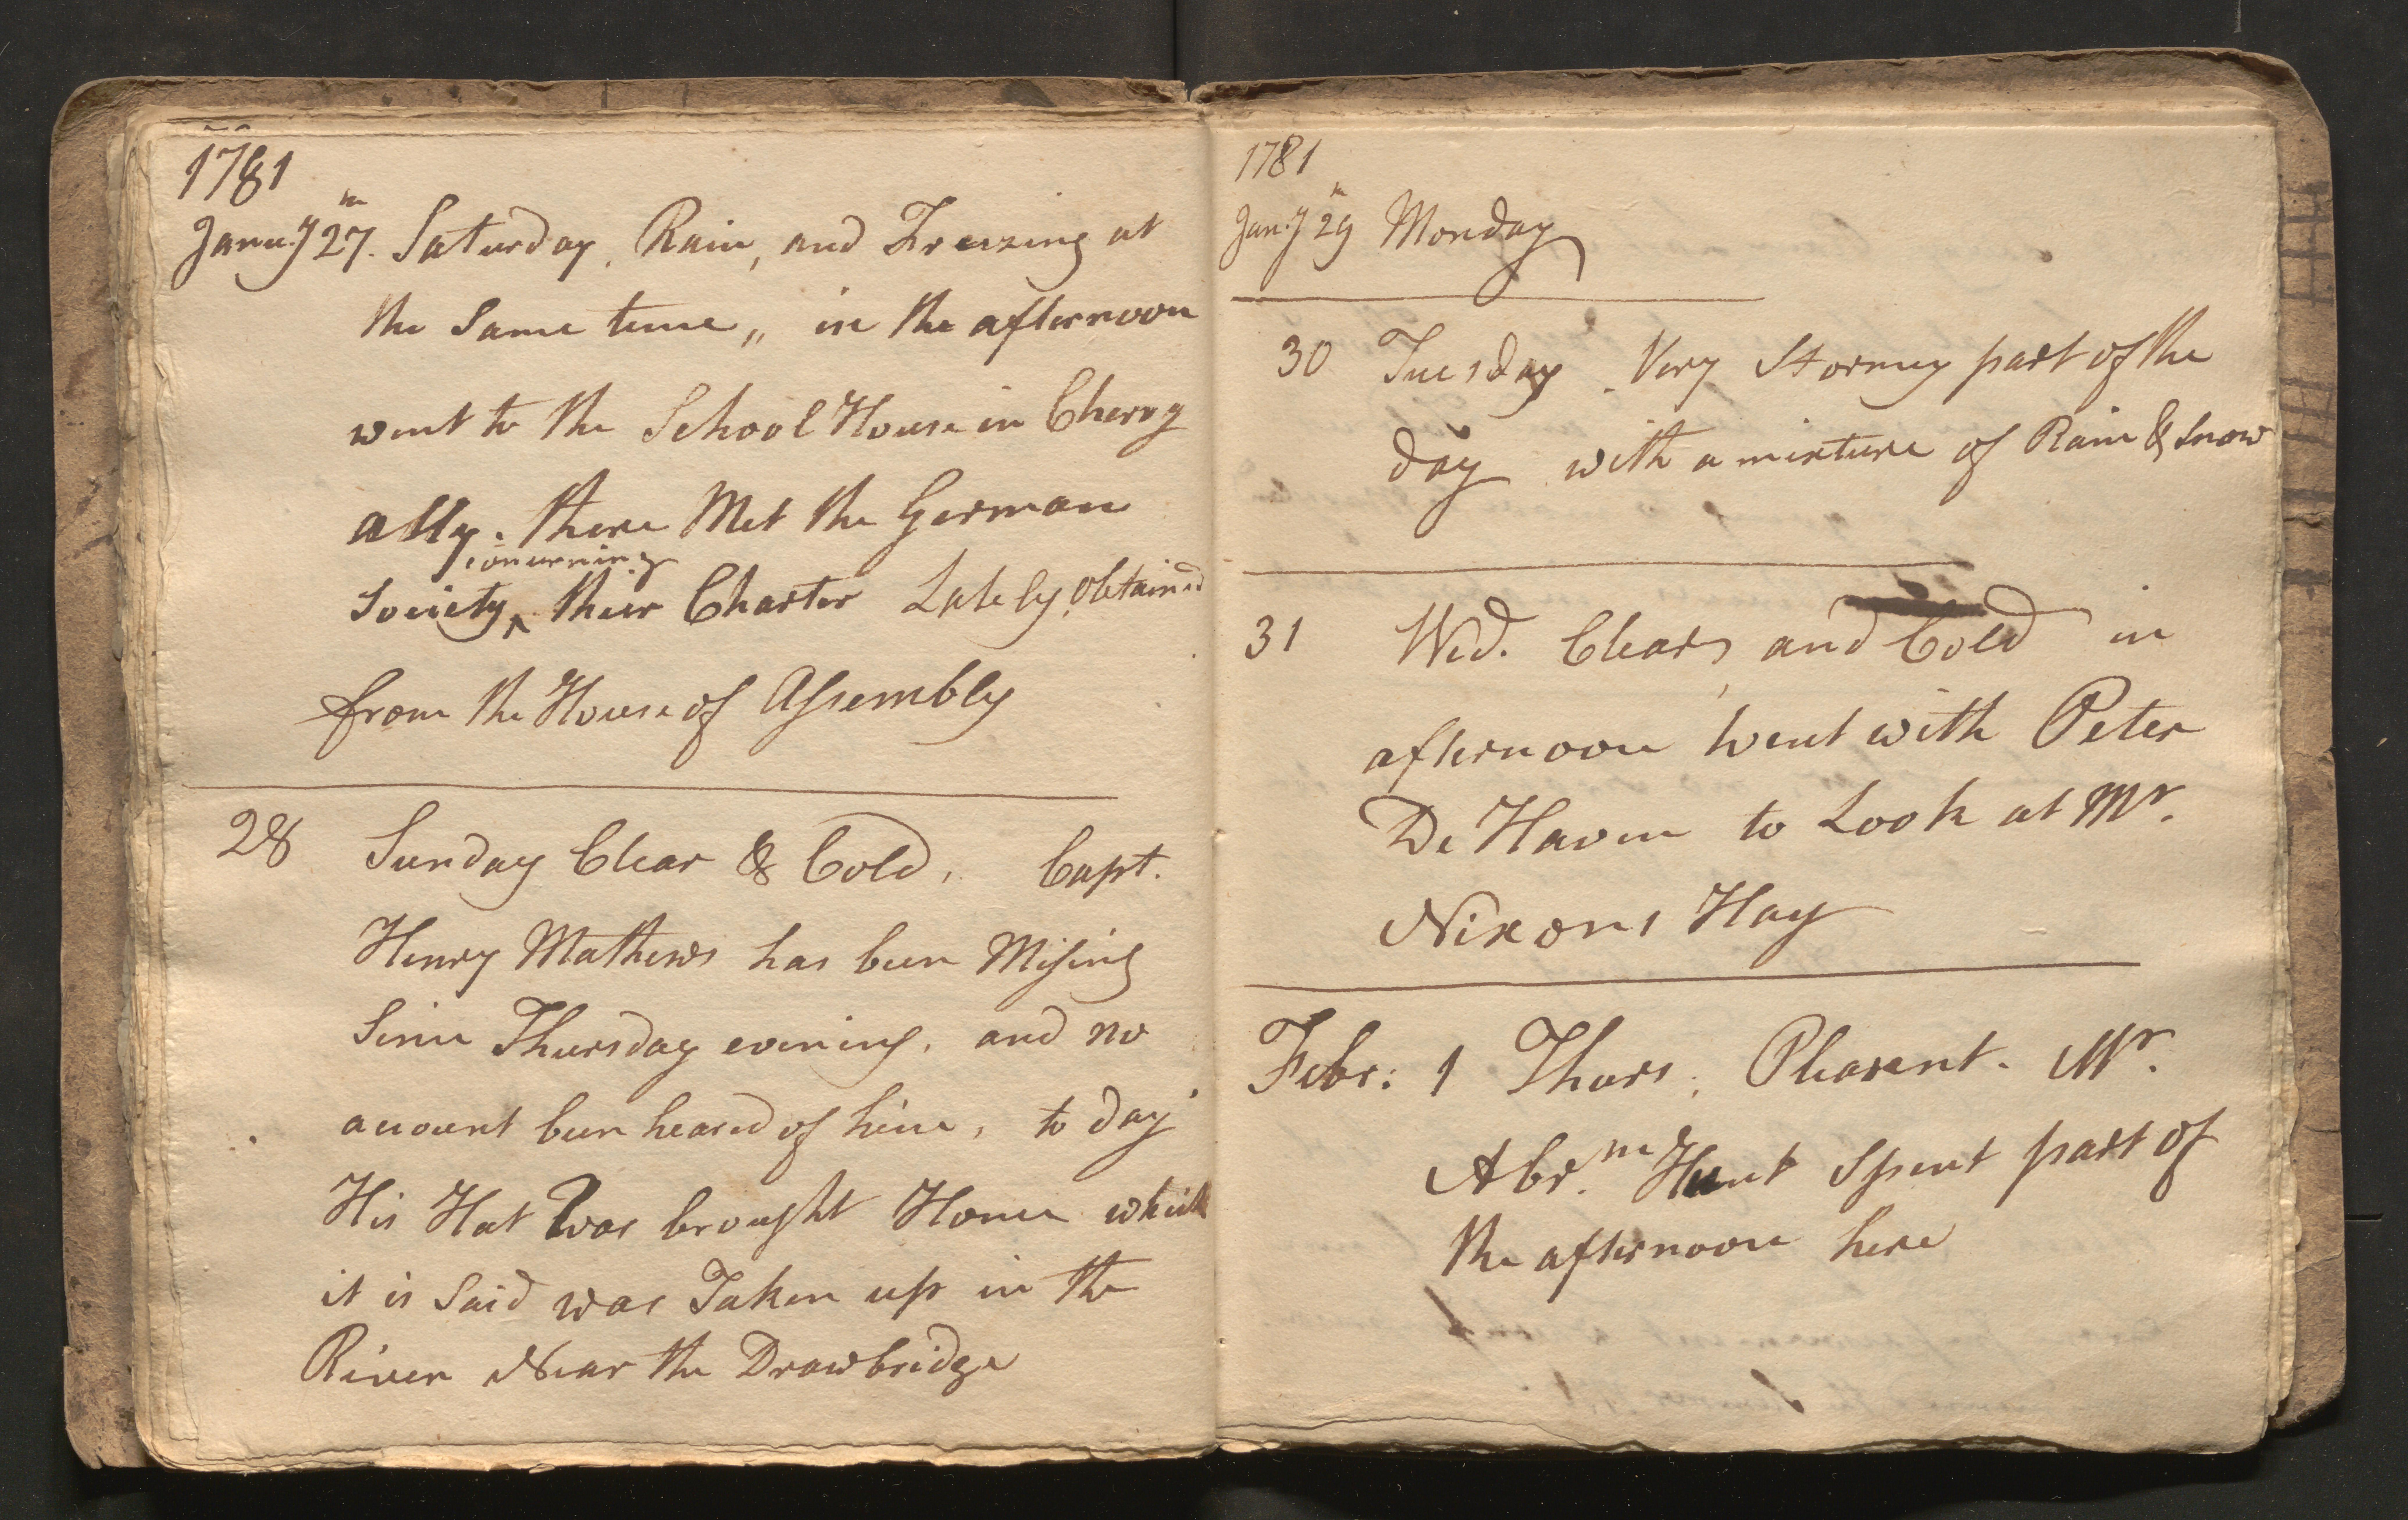1781
Janu^y 27^th. Saturday. Rain, and Freezing at
the Same time, in the afternoon
went to the School House in Cherry
ally. there Met the German
Society ^ their Charter Lately obetained
concerning
from the House of Assembly
28 Sunday Clear & Cold. Capt.
Henry Mathews has been Missing
Since Thursday evening, and no
account been heared of him, to day
His Hat was brought Home which
it is said was Taken up in the
River Near the Drawbridge
1781
Jan^y. 29^th Monday
30 Tuesday Very Stormy part of the
day with a mixture of Rain & snow
31 Wed. Clear and Cold in
afternoon went with Peter
DeHaven to Look at M^r.
Nixons Hay
Febr: 1 Thurs. Pleasent. M^r.
Abr^m. Hunt spent part of
the afternoon here